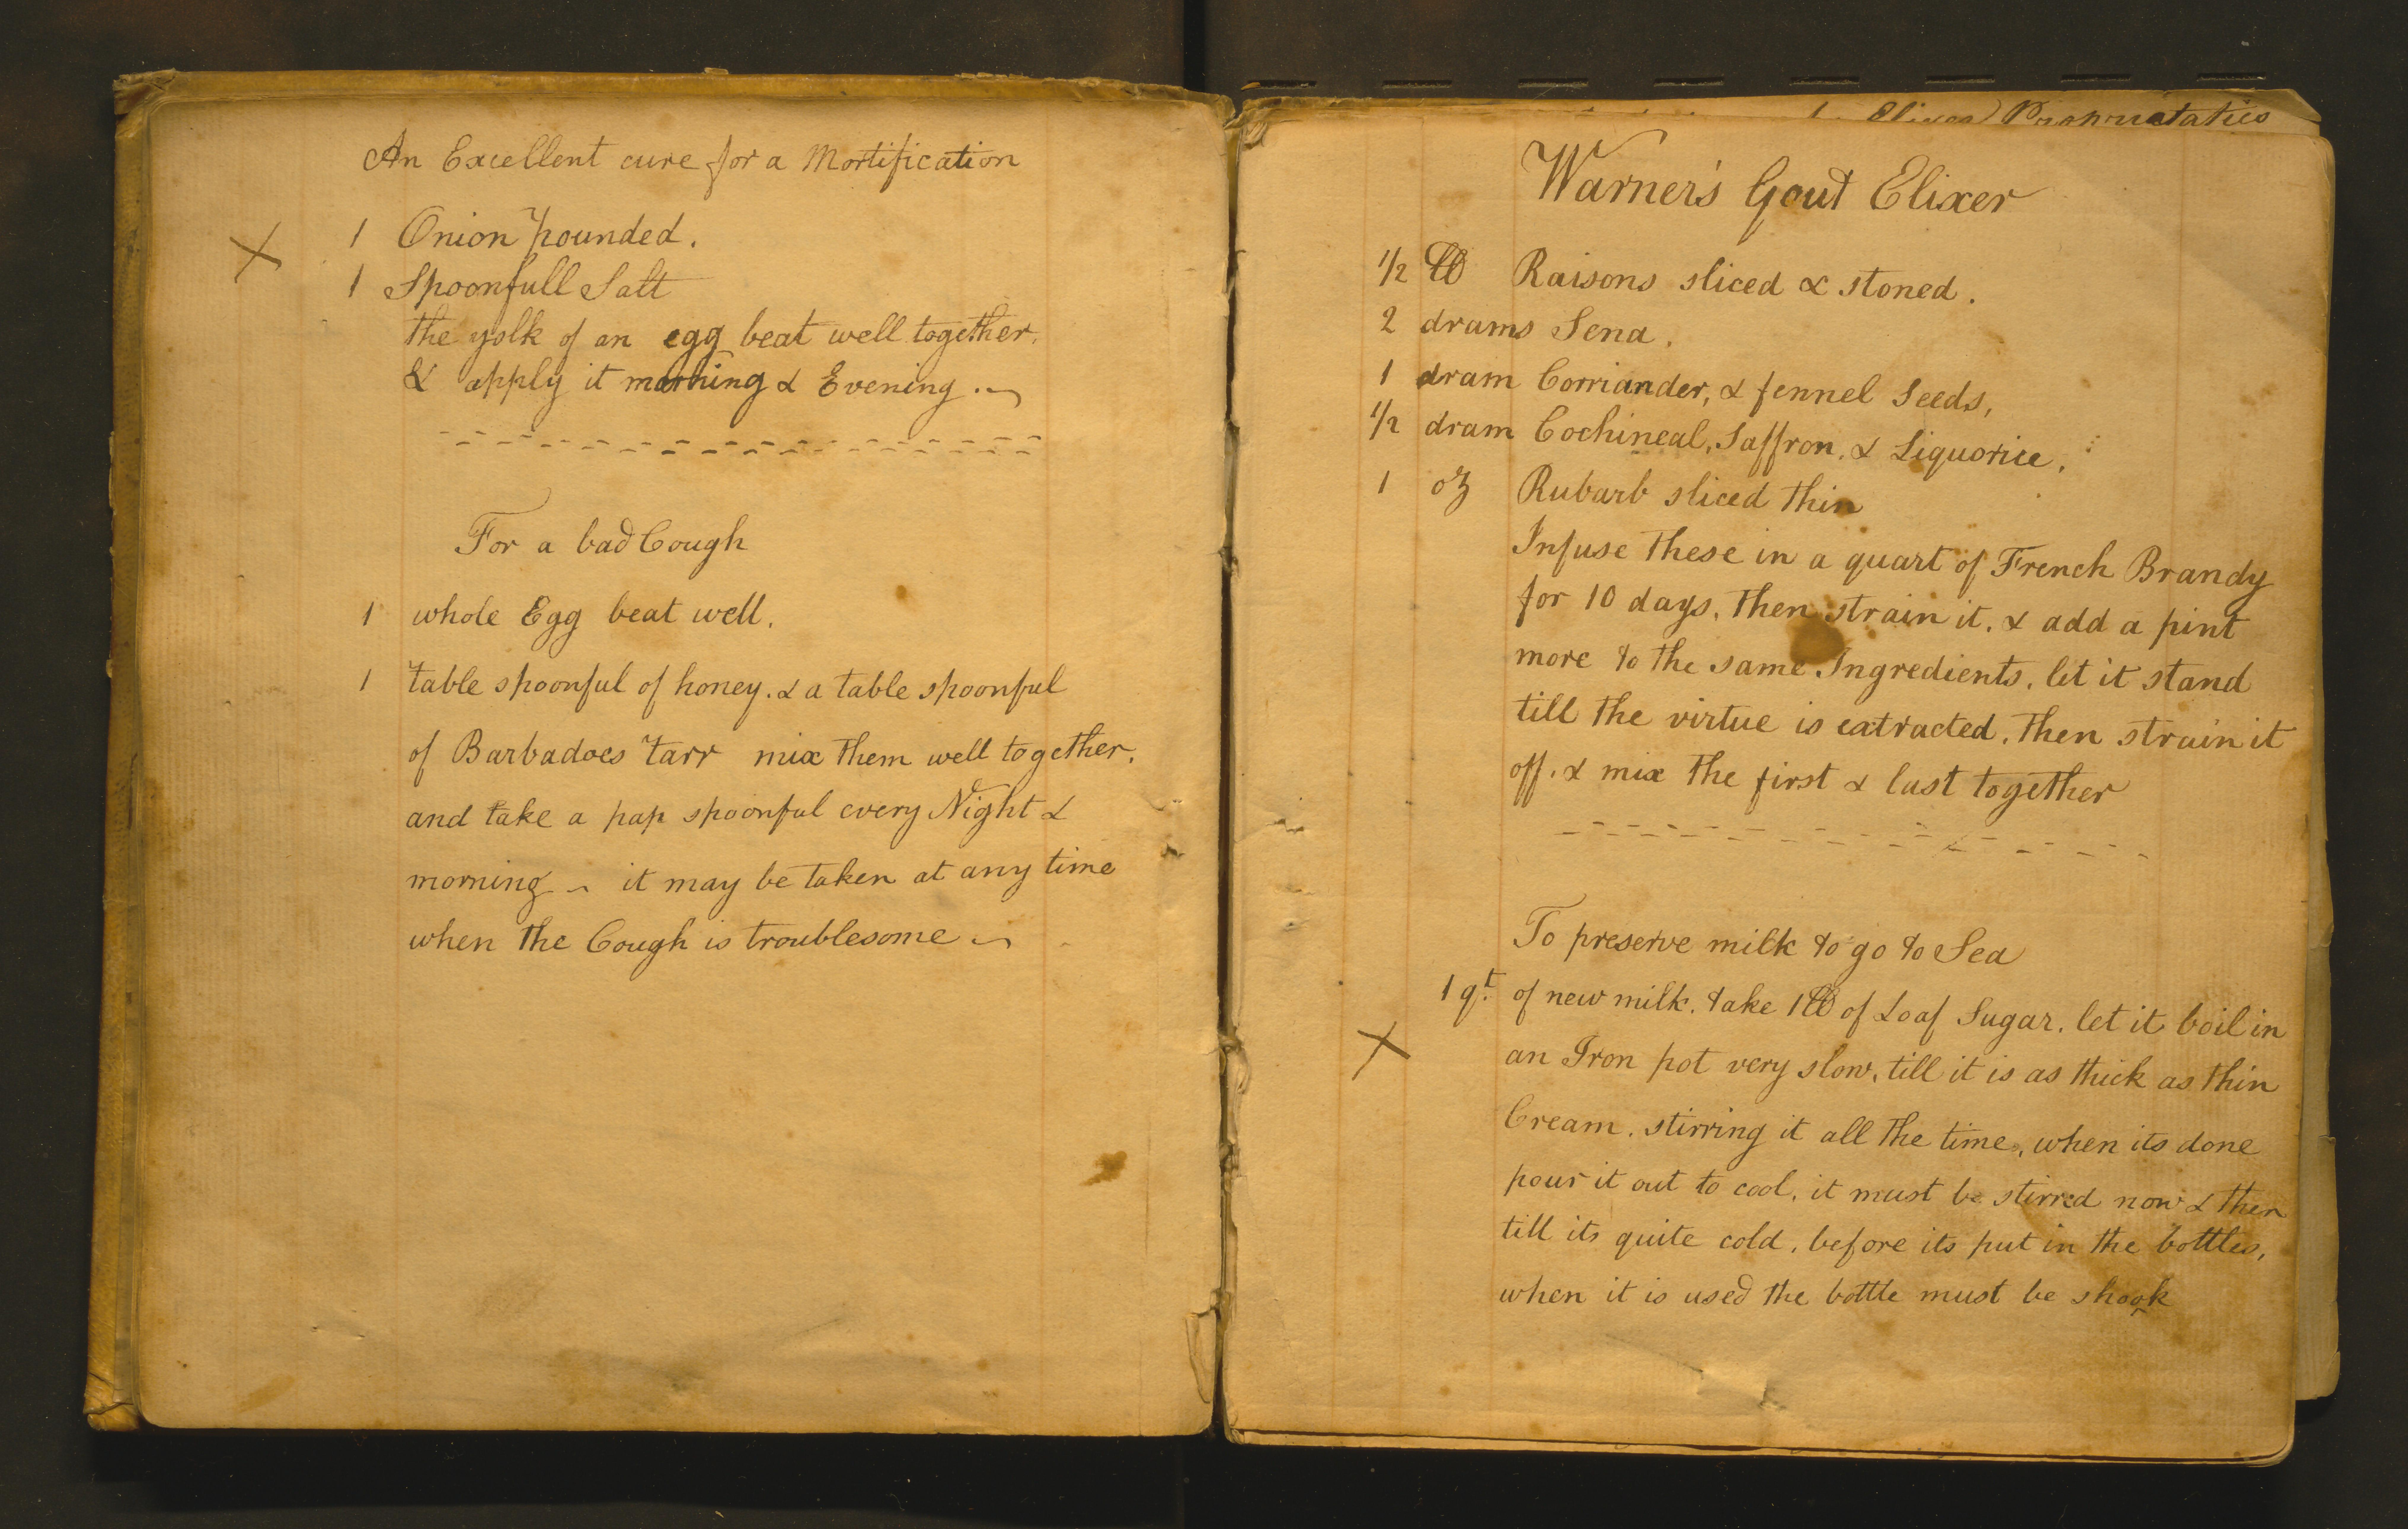An Excellent cure for a Mortification
1 Onion pounded.
1 spoonfull salt
the yolk of an egg beat well together
& apply it morning & Evening.-
For a bad Cough
1 whole Egg beat well.
1 table spoonful of honey. & a table spoonful
of Barbadoes tarr mix them well together.
and take a pap spoonful every Night &
morning- it may be taken at any time
when the Cough is troublesome-
Warner's Gout Elixer
1/2 lb Raisons sliced & stoned.
2 drams send.
1 dram Corriander, & fennel seeds,
1/2 dram Cochineal, & Liquorice.
Rubarb sliced thin
Infuse These in a quart of French Brandy
for 10 days. Then strain it. & add a pint
more to the same Ingredients. let it stand
till the virtue is extracted. Then strain it
off, & mix the first & last together
To preserve milk to go to Sea
1 q^t. of new milk. take 1 lb of Loaf sugar. let it boil in
an Iron pot very slow, till it is as thick as thin
Cream, stirring it all the time, when its done
pour it out to cool. it must be stirred now & then
till its quite cold, before its put in the bottles,
when it is used the bottle must be shook